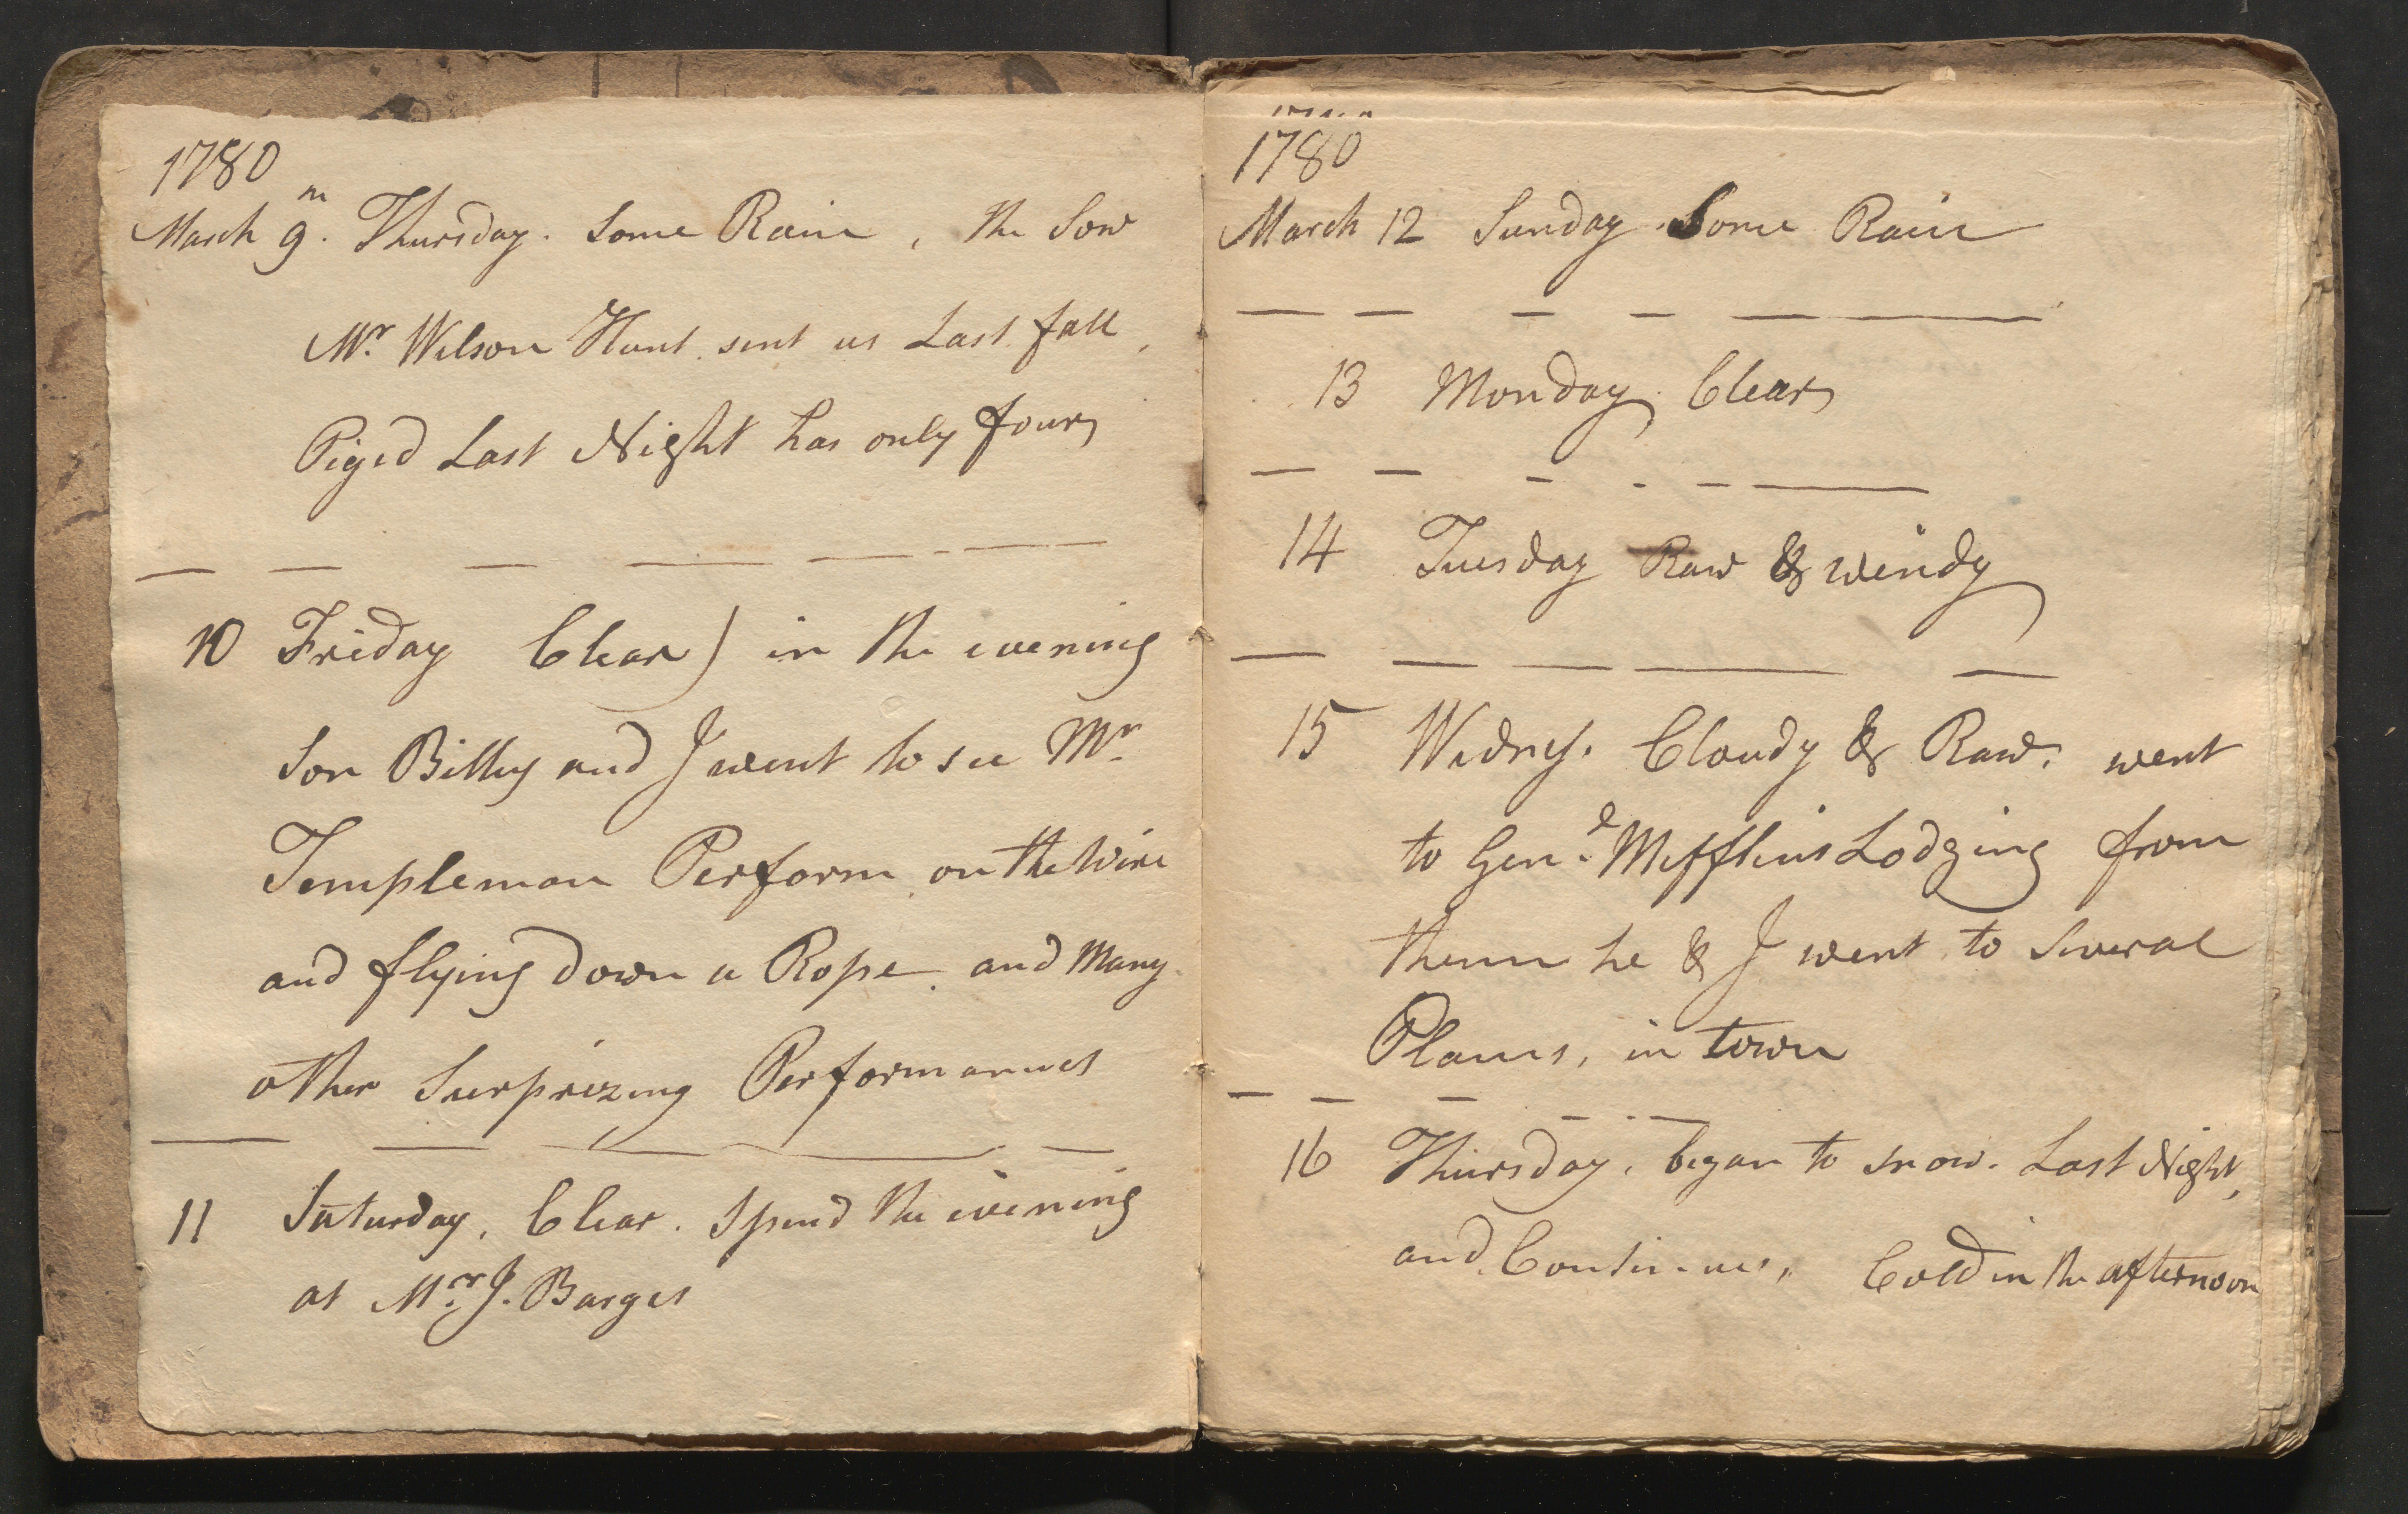1780
March 9^th. Thursday. Some Rain, the Sow
M^r. Wilson Hunt sent us Last fall
Piged Last Night has only four
10 Friday Clear) in the evening
Son Billey and I went to see M^r.
Templeman Perform on the wire
and flying down a Rope. and Many
other Surprizing Performances
11 Saturday, Clear. spend the evening
at M^r. J. Barges
March 12 Sunday Some Rain
1780
13 Monday. Clear
14 Tuesday Raw & windy
15 Wednes. Cloudy & Raw. went
to Gen^l. Mifflins Lodging from
thenec he & I went to several
Plans in town
16 Thursday. began to snow. Last Night
and Contineues, Cold in the afternoon